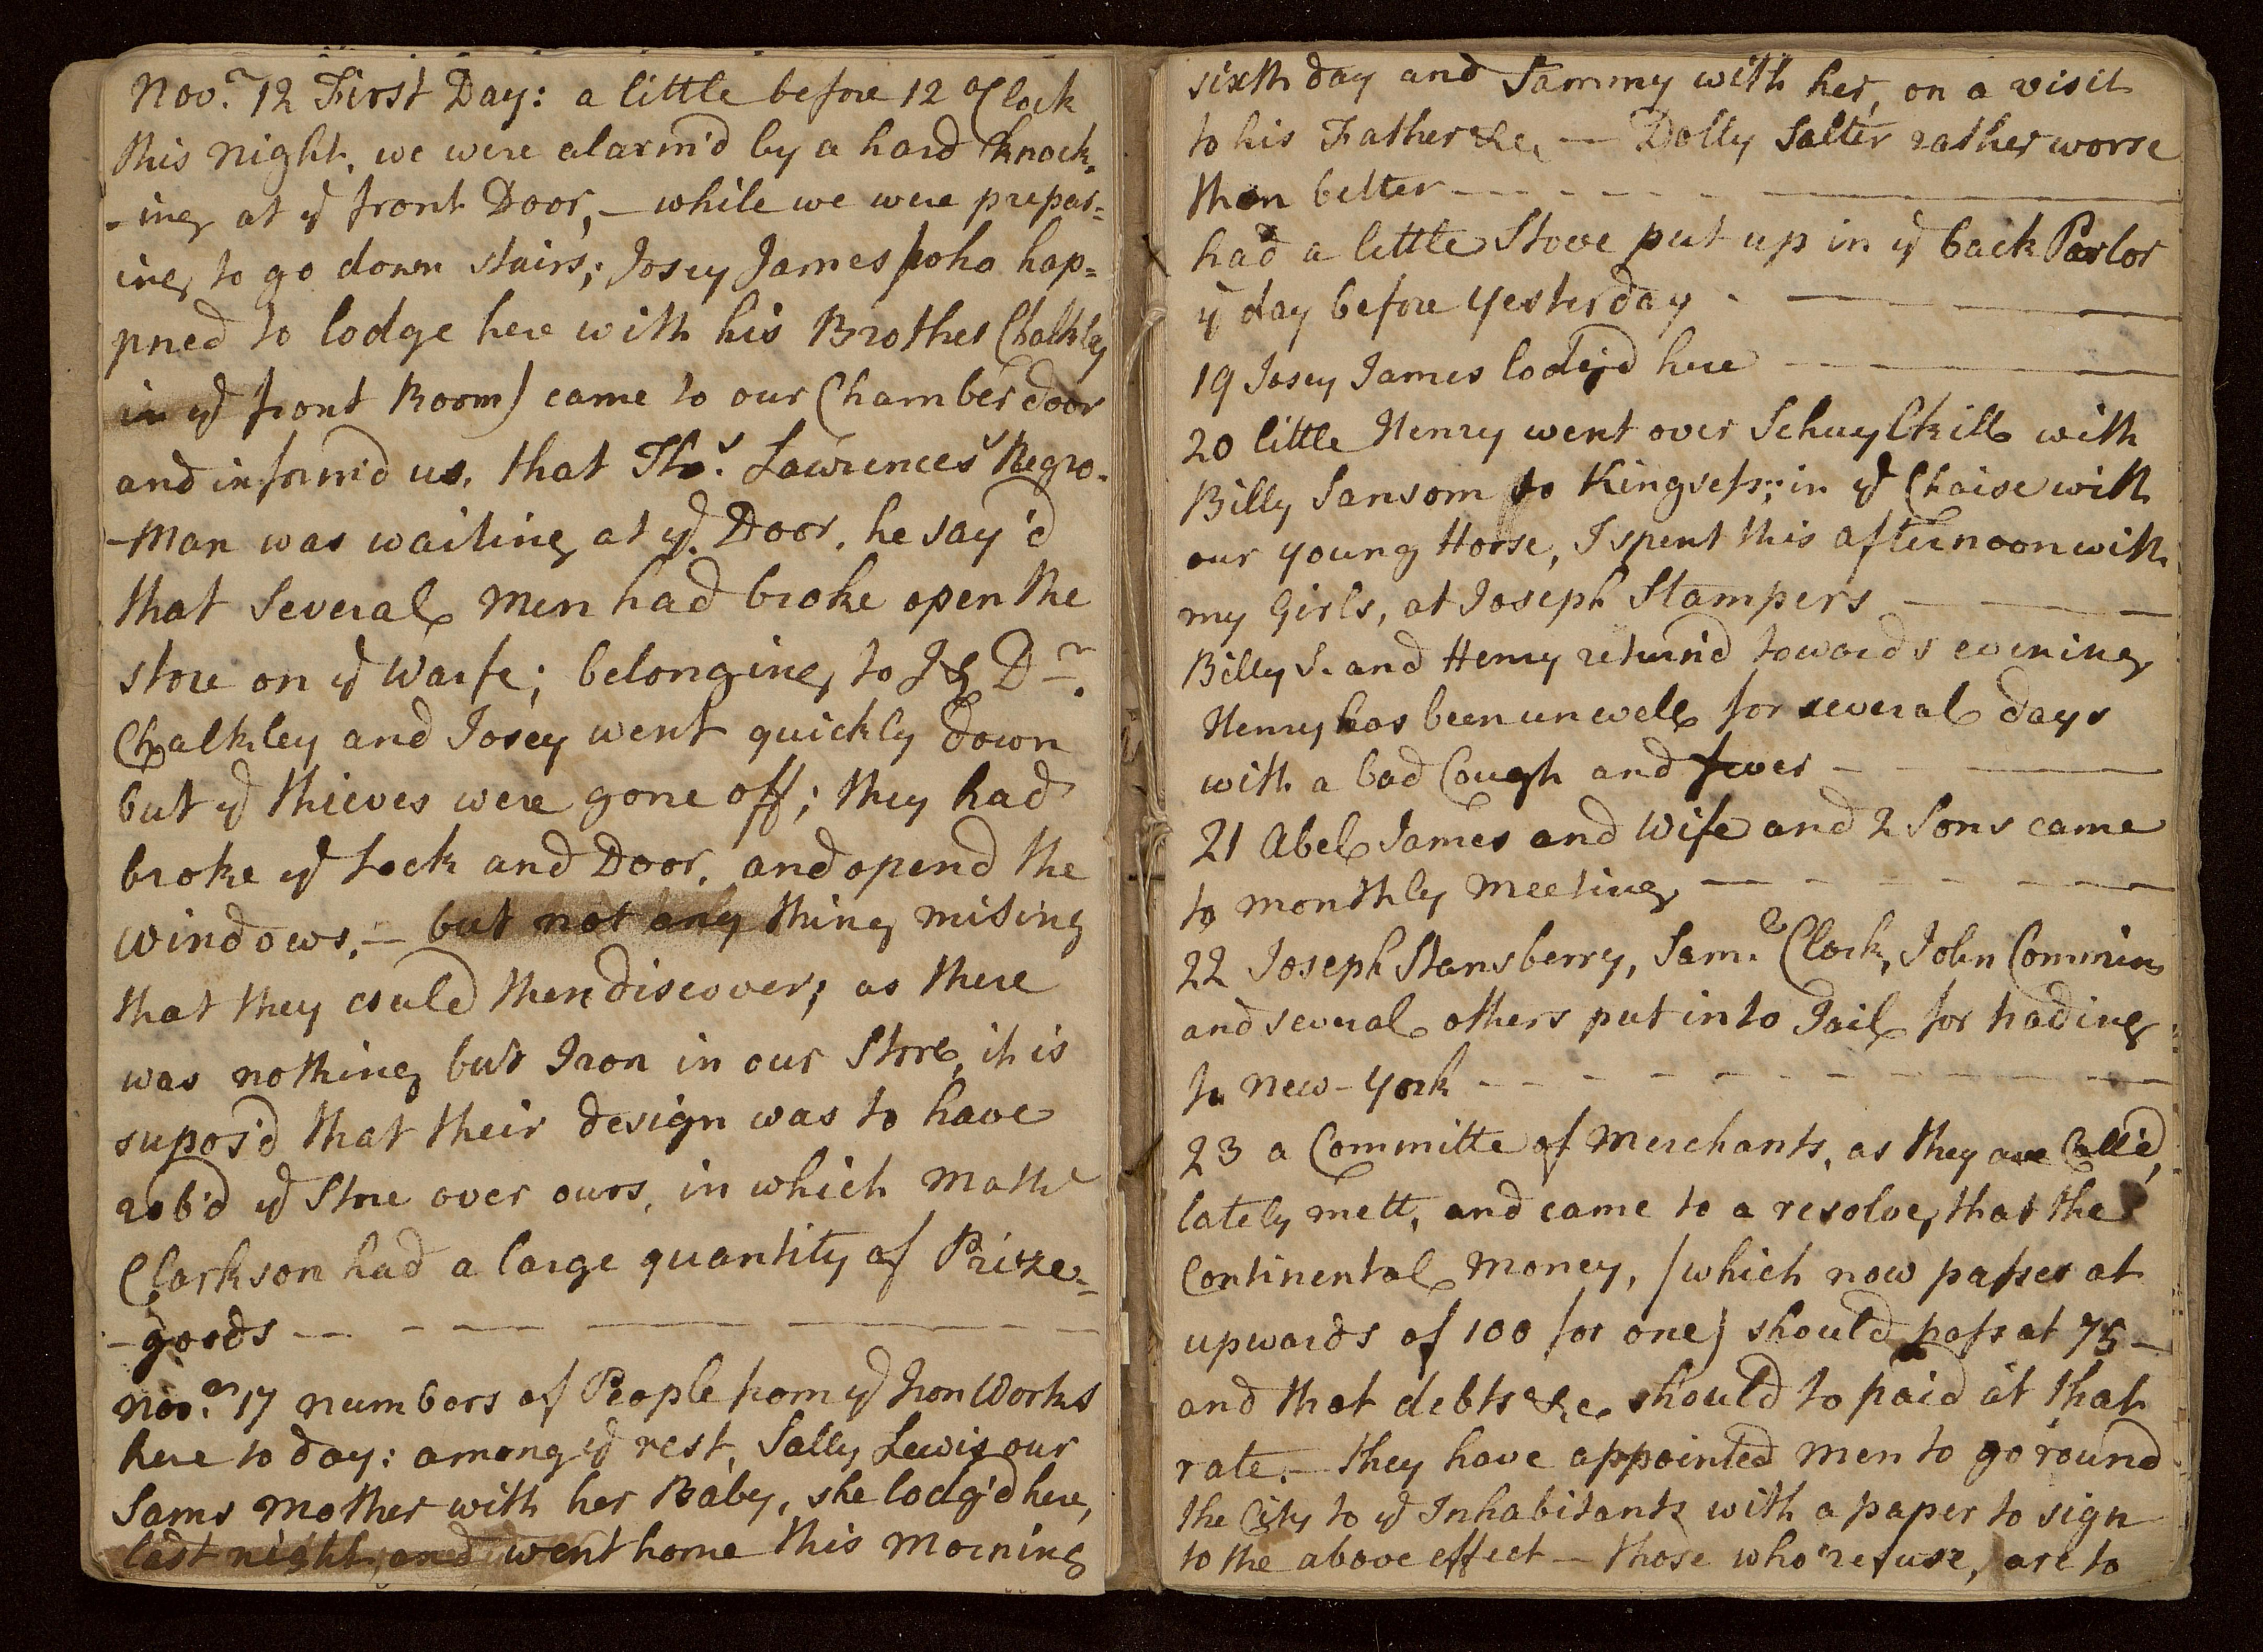Nov^r. 12 First Day: a little before 12 ^o Clock
this night, we were alarm'd by a hard knock,
-ing, at y^e front Door- while we were prepar-
ing to go down stairs; Josey James poho hap-
pned to lodge here with his Brother Chalkley
in y^e front Room) came to our Chamber door
and inform'd us, that Tho^s. Lawrences^s Negro-
-Man was waiting at y^e Door, he say 'd
that Several Men had broke open the
store on y^e warfe; belonging to J & D^r-
Chalkley and Josey went quickly down
but y^e thieves were gone off; they had
broke y^e Lock and Door, and opend the
Windows- but not any thing mising
that they could then discover, as there
was nothing, but Iron in our Store, it is
supos'd that their design was to have
rob'd y^e Store over ours, in which Math^e
Clarkson had a large quantity of Prize-
-goods--
Nov^r. 17 numbers of People from y^e Iron Works
here to day: among y^e rest, Sally Lewis our
Sams Mother with her Baby, she lodg'd here,
last night and went home this morning
sixth day and Sammy with her, on a visit
to his Father &c- Dolly Salter rather worse
than better-- ----
had a little Stove put up in y^e back Parlor
y^e day before yesterday.-
19 Josey James lodg'd here---
20 little Henry went over Schuylkill with
Billy Sansom to Kingsess: in y^e Chaise with
our young Horse, I spent this afternoon with
my Girls, at Joseph Stampers--
Billy S. and Henry return'd towards evining
Henry has been unwell for several days
with a bad Cough and fever-
21 Abel James and Wife and 2 Sons came
to monthly meeting--
22 Joseph Stansberry, Sam^l Clark, John Comminy
and several others put in to Jail for hading
to New- York--
23 a Committe of Merchants as they are call'd,
lately mett, and came to a resolve, that the
Continental Money, /which now passes at
upwards of 100 for one) should pass at 75-
and that debts &c should to paid at that
rate.- they have appointed men to go round
the City to y^e Inhabitants with a paper to sign
to the above effect- those who refuse, are to